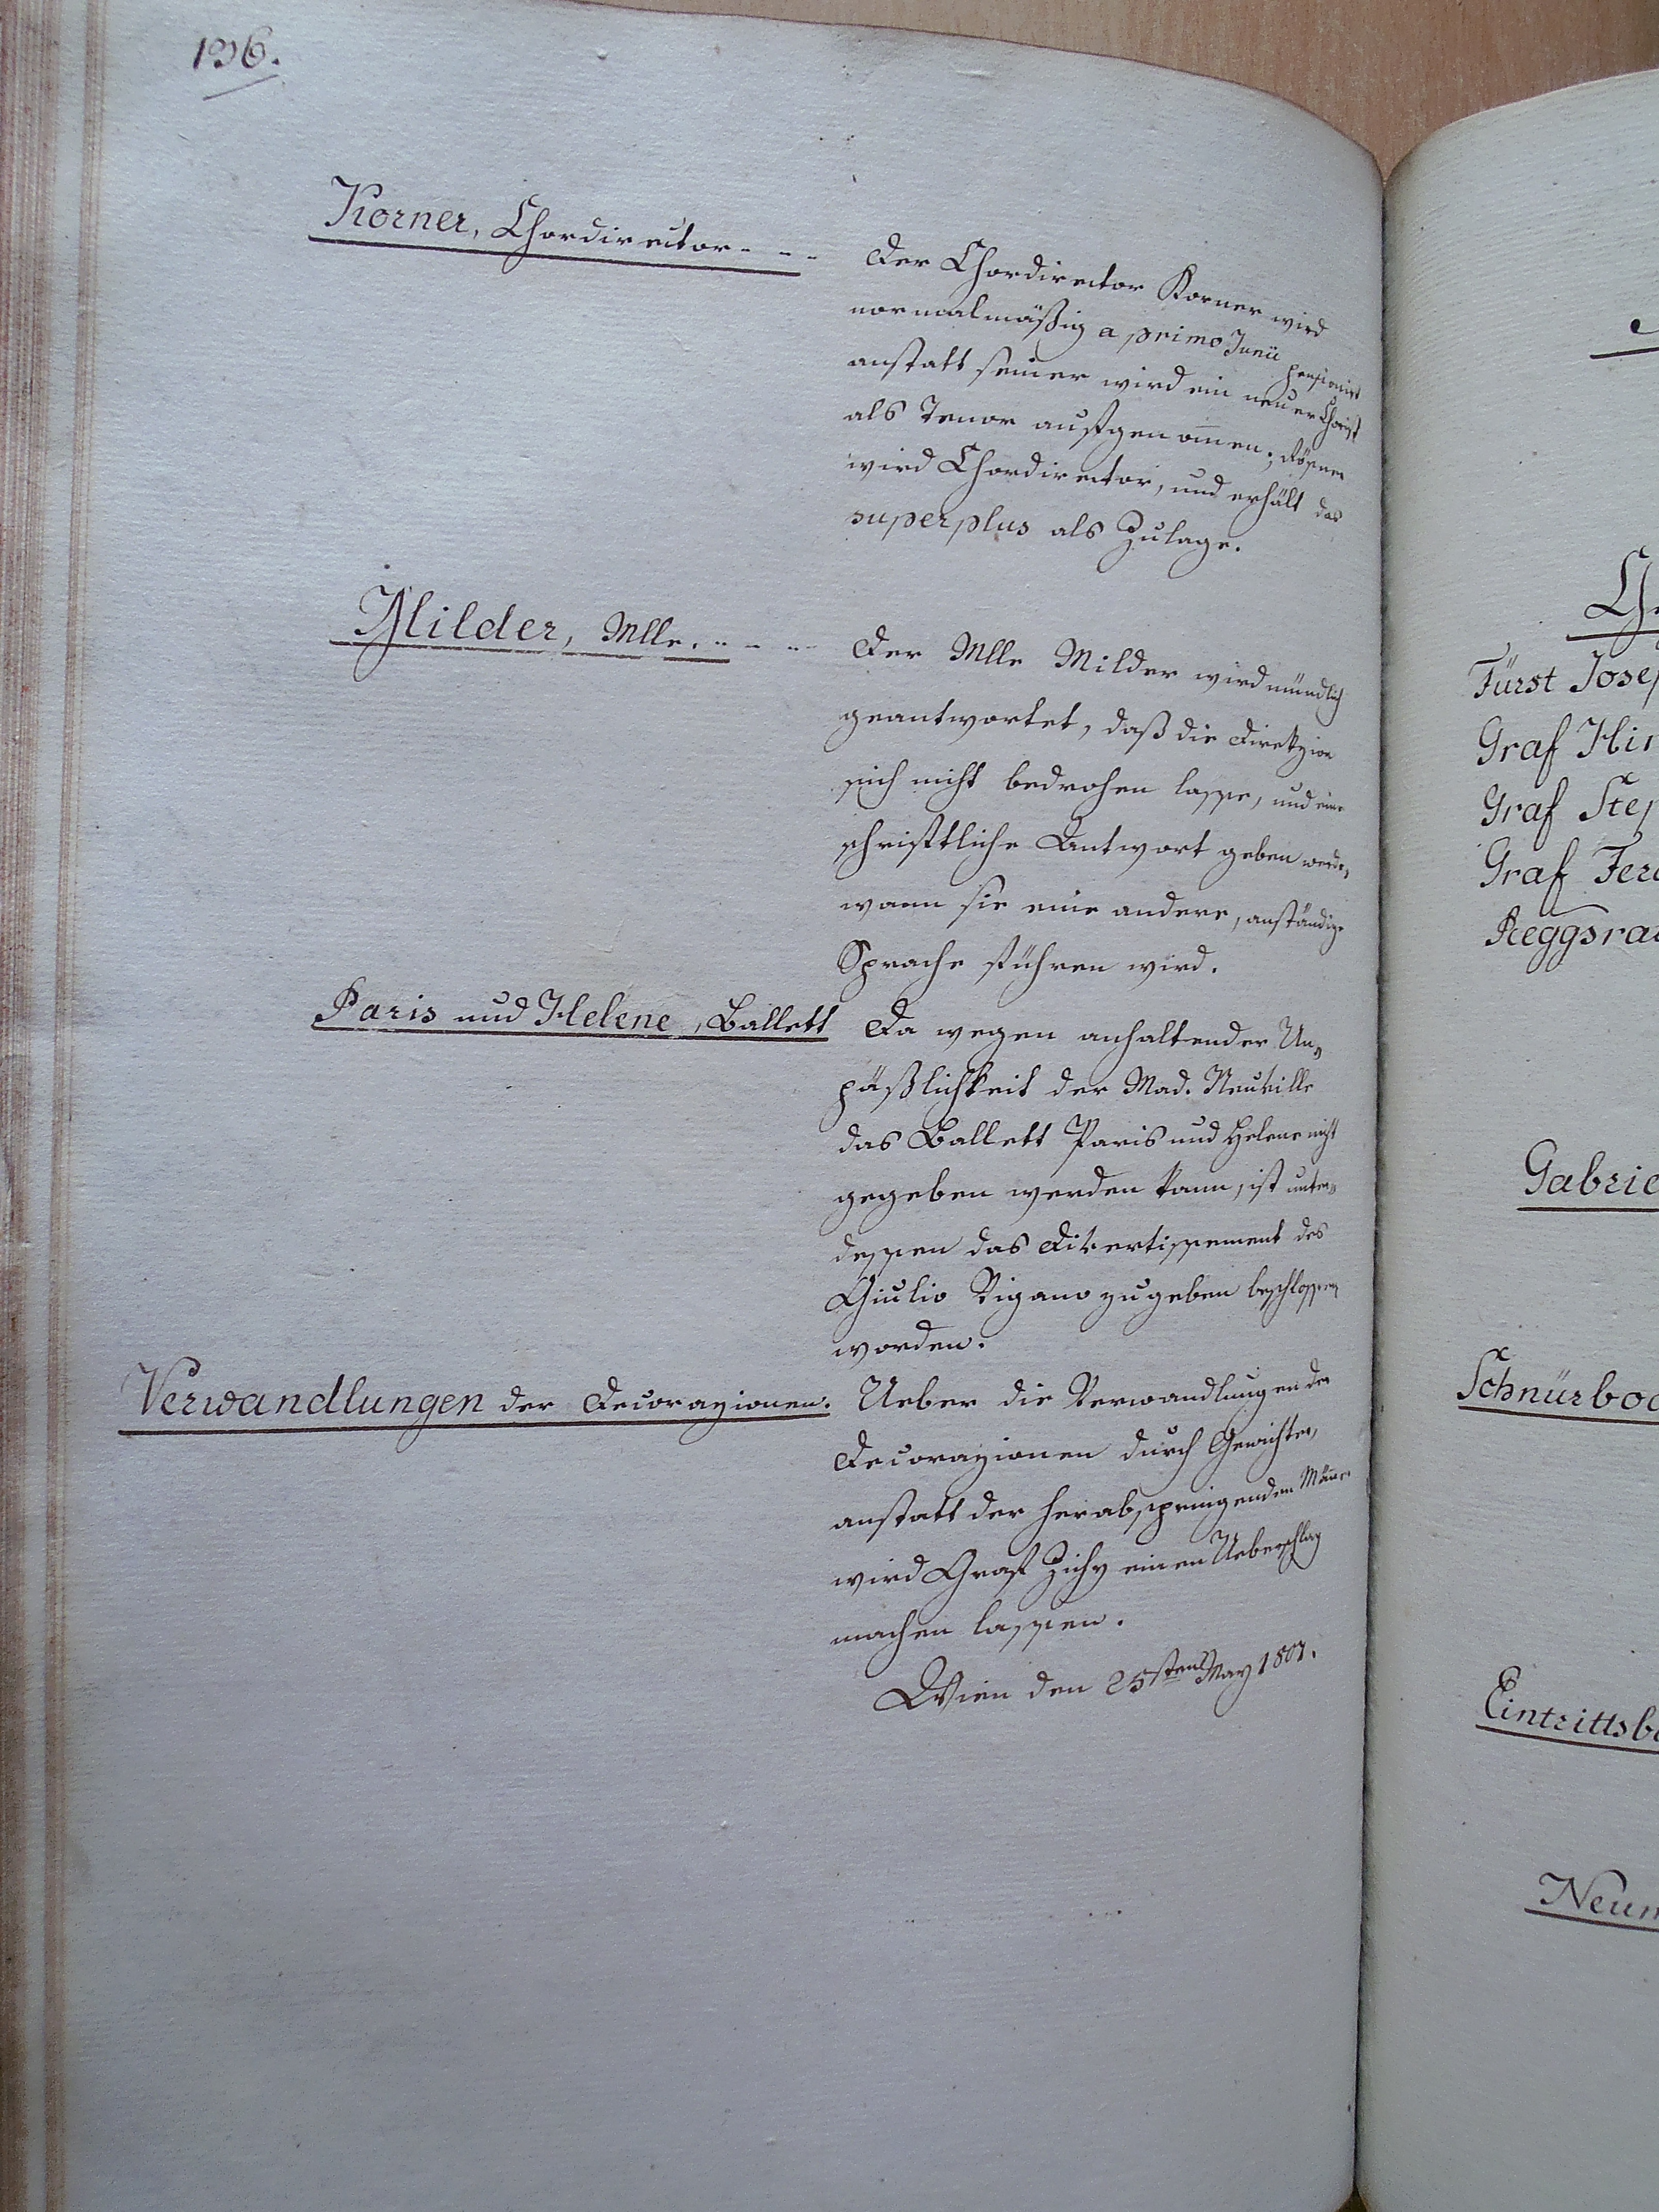136.
Korner, Chordirector .. .. .. Der Chordirector Korner wird
normalmäßig a primo Junii pensionirt
anstatt seiner wird ein neuer Chorist
als Tenor aufgenom̅en; Rösner
wird Chordirector, und erhält das
super plus als Zulage.
Milder, Mlle. .. .. .. Der Mlle Milder wird mündich
geantwortet, daß die Direkzion
sich nicht bedrohen lasse, und eine
schriftliche Antwort geben werde,
wann sie eine andere, anständige
Sprache führen wird.
Paris und Helene, Ballet Da wegen anhaltender Un¬
päßlichkeit der Mad. Neuville
das Ballett Paris und Helene nicht
gegeben werden kann, ist unter¬
dessen das Divertissement des
Giulio Vigano zugeben bschlossen
worden.
Verwandlungen der Decorazionen. Ueber die Verwandlungen der
Decorazionen durch Gewichten,
anstatt der herabspringenden Män̅er
wird Graf Zichy einen Ueberschlag
machen lassen.
Wien den 25ste͇n May 1807.